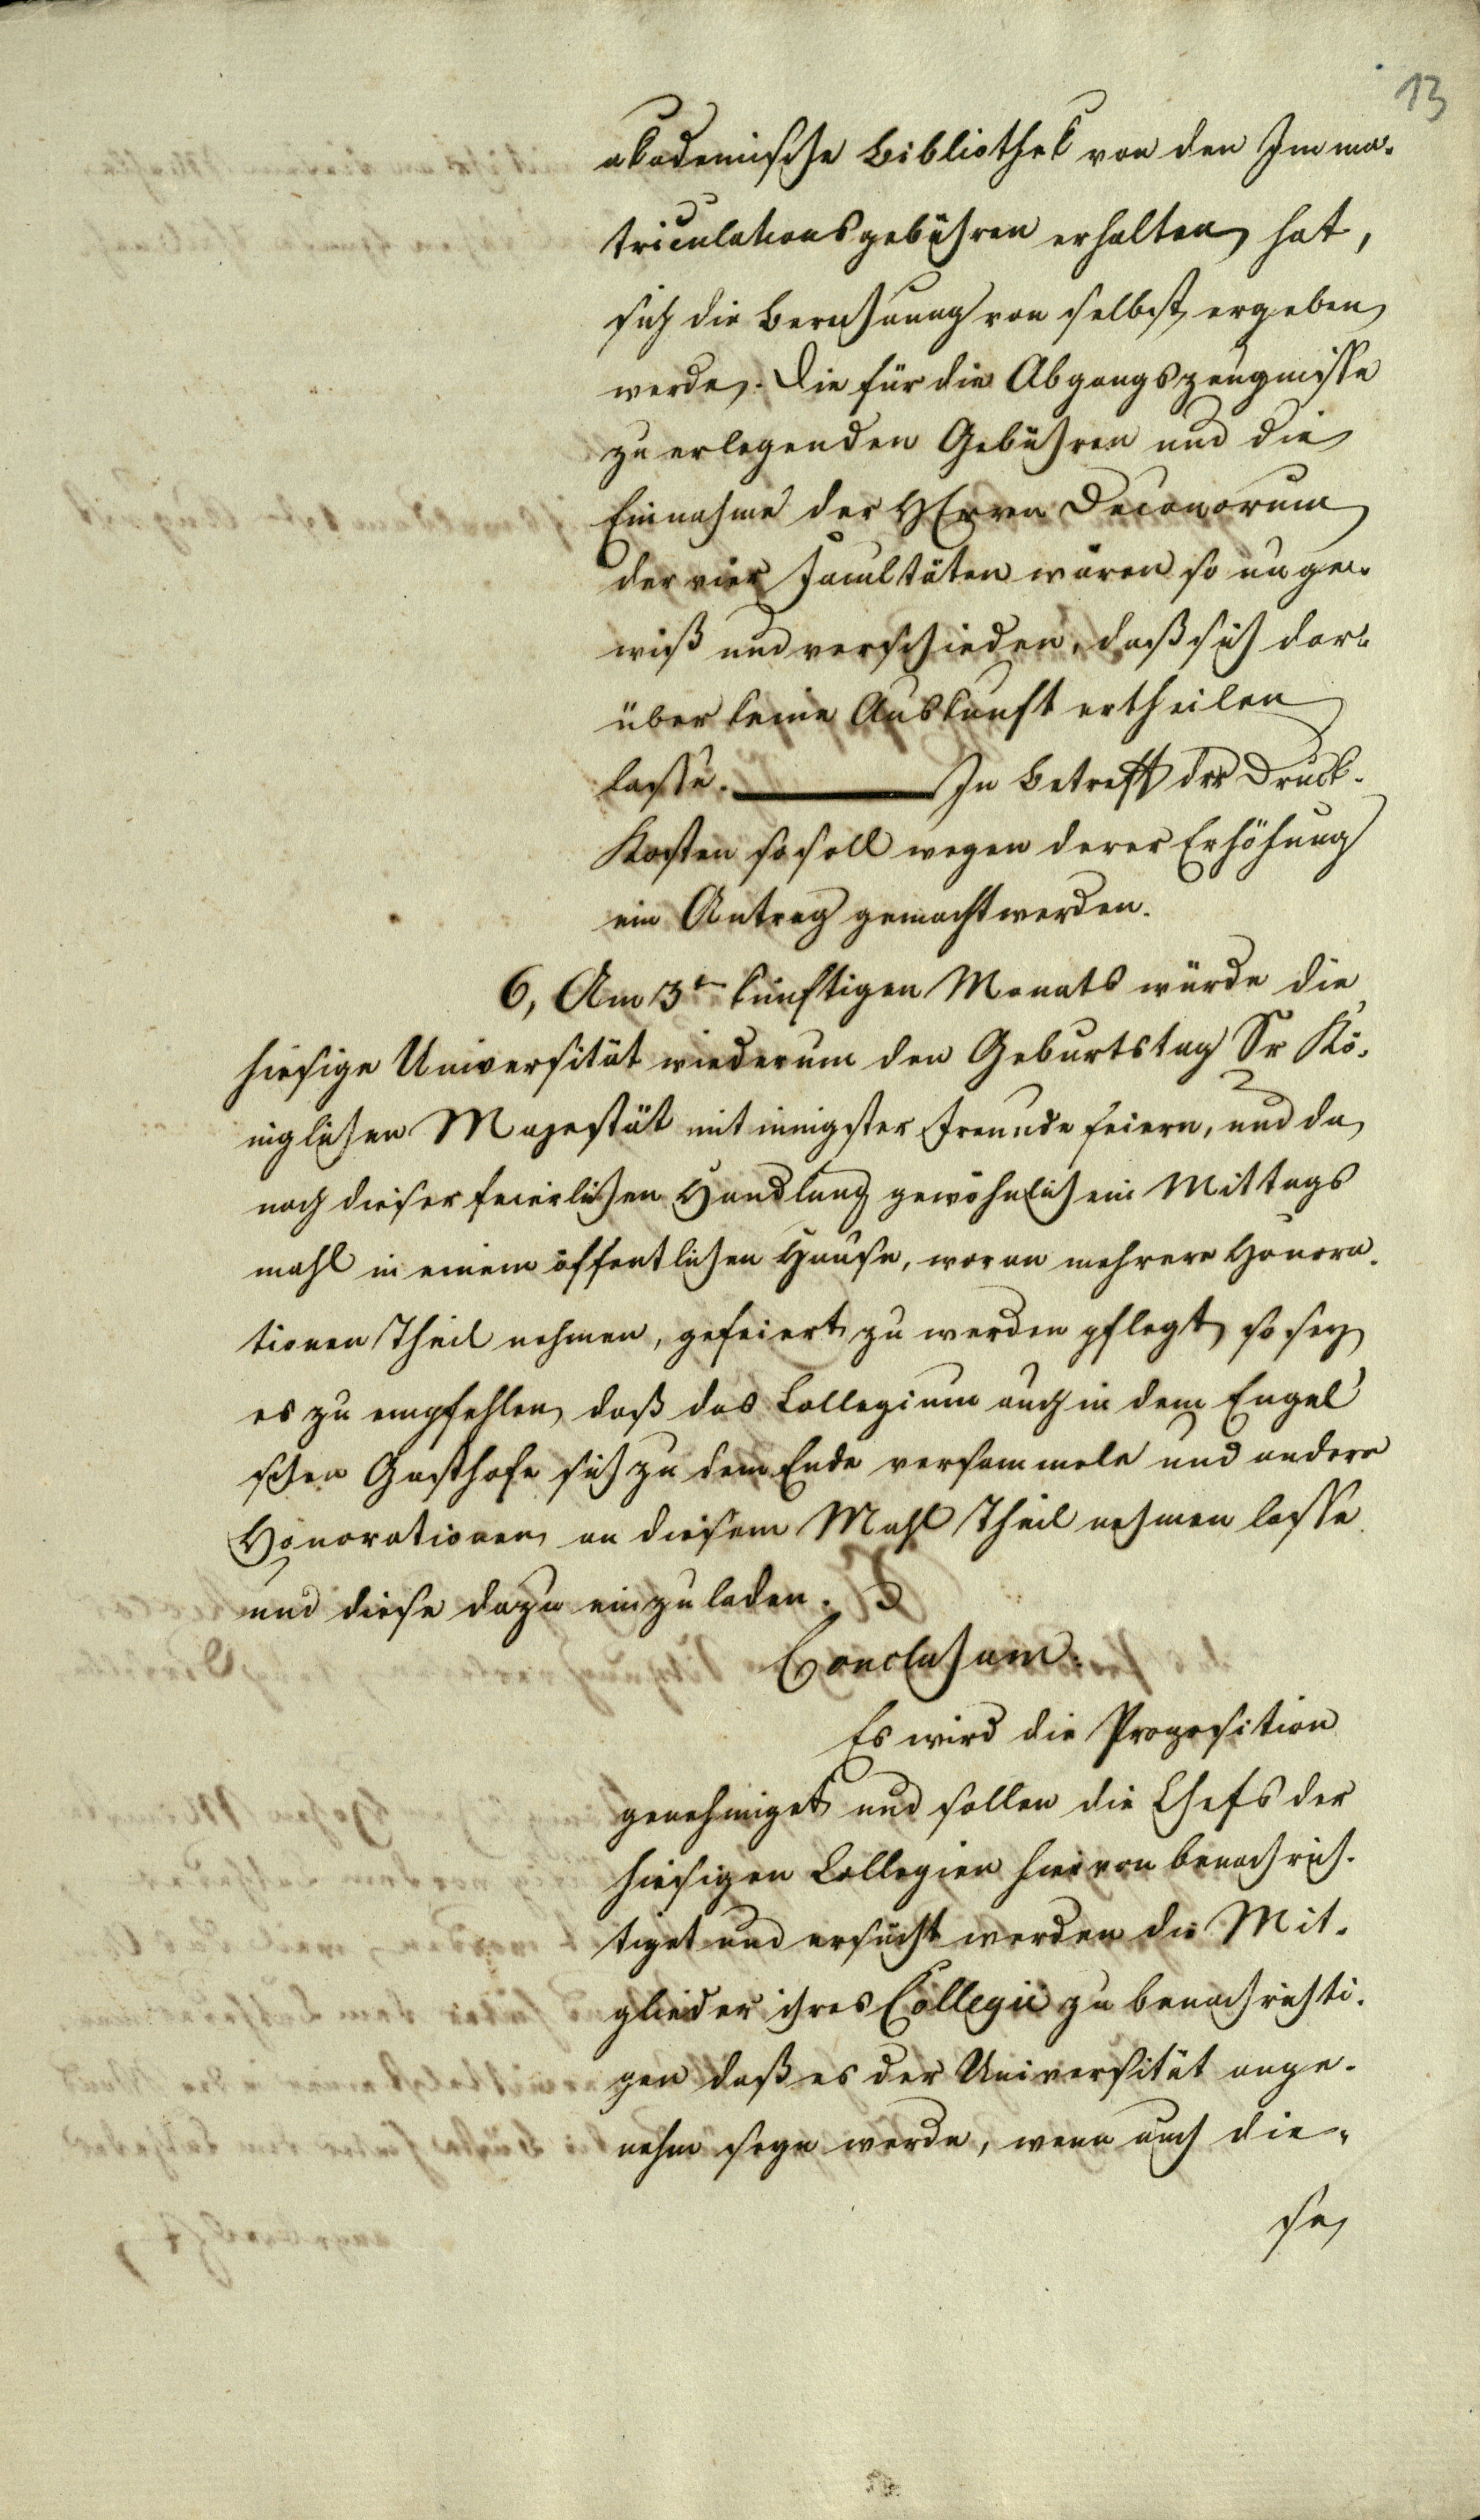akademische Bibliothek von den Imma¬
triculationsgebühren erhalten hat,
sich die Berechnung von selbst ergeben
werde. Die für die Abgangszeugnisse
zu erlegenden Gebühren und die
Einnahme der Herren Decanorum
der vier Facultäten wären so unge¬
wiß und verschieden, daß sich dar¬
über keine Auskunft ertheilen
lasse. In Betreff zu Druck¬
Kosten so soll wegen derer Erhöhung
ein Antrag gemacht werden.
6, Am 3 ten künftigen Monaths würde die
hiesige Universität wiederum den Geburtsag Sr Kö¬
niglichen Majestät mit innigster Freunde feiern, und da
nach dieser feierlichen Handlung gewöhnlich ein Mittags
mahl in einem öffentlichen Hause, woran mehrere Honora¬
tionen Theil nehmen, gefeiert zu werden pflegt, so sey
es zu empfehlen, daß das Collegium auch in dem Engel'
schen Gasthofe sich zu dem Ende versammele und andere
Honorationen, an diesem Mahl Theil nehmen lasse
und diese dazu einzuladen.
Conclusum:
Es wird die Proposition
genehmiget und sollen die Chefs der
hiesigen Collegien hievon benachrich¬
tiget und ersucht werden die Mit¬
glieder ihres Collegii zu benachrichti¬
gen daß es der Universität ange¬
nehm seyn werde, wenn auch die¬
se